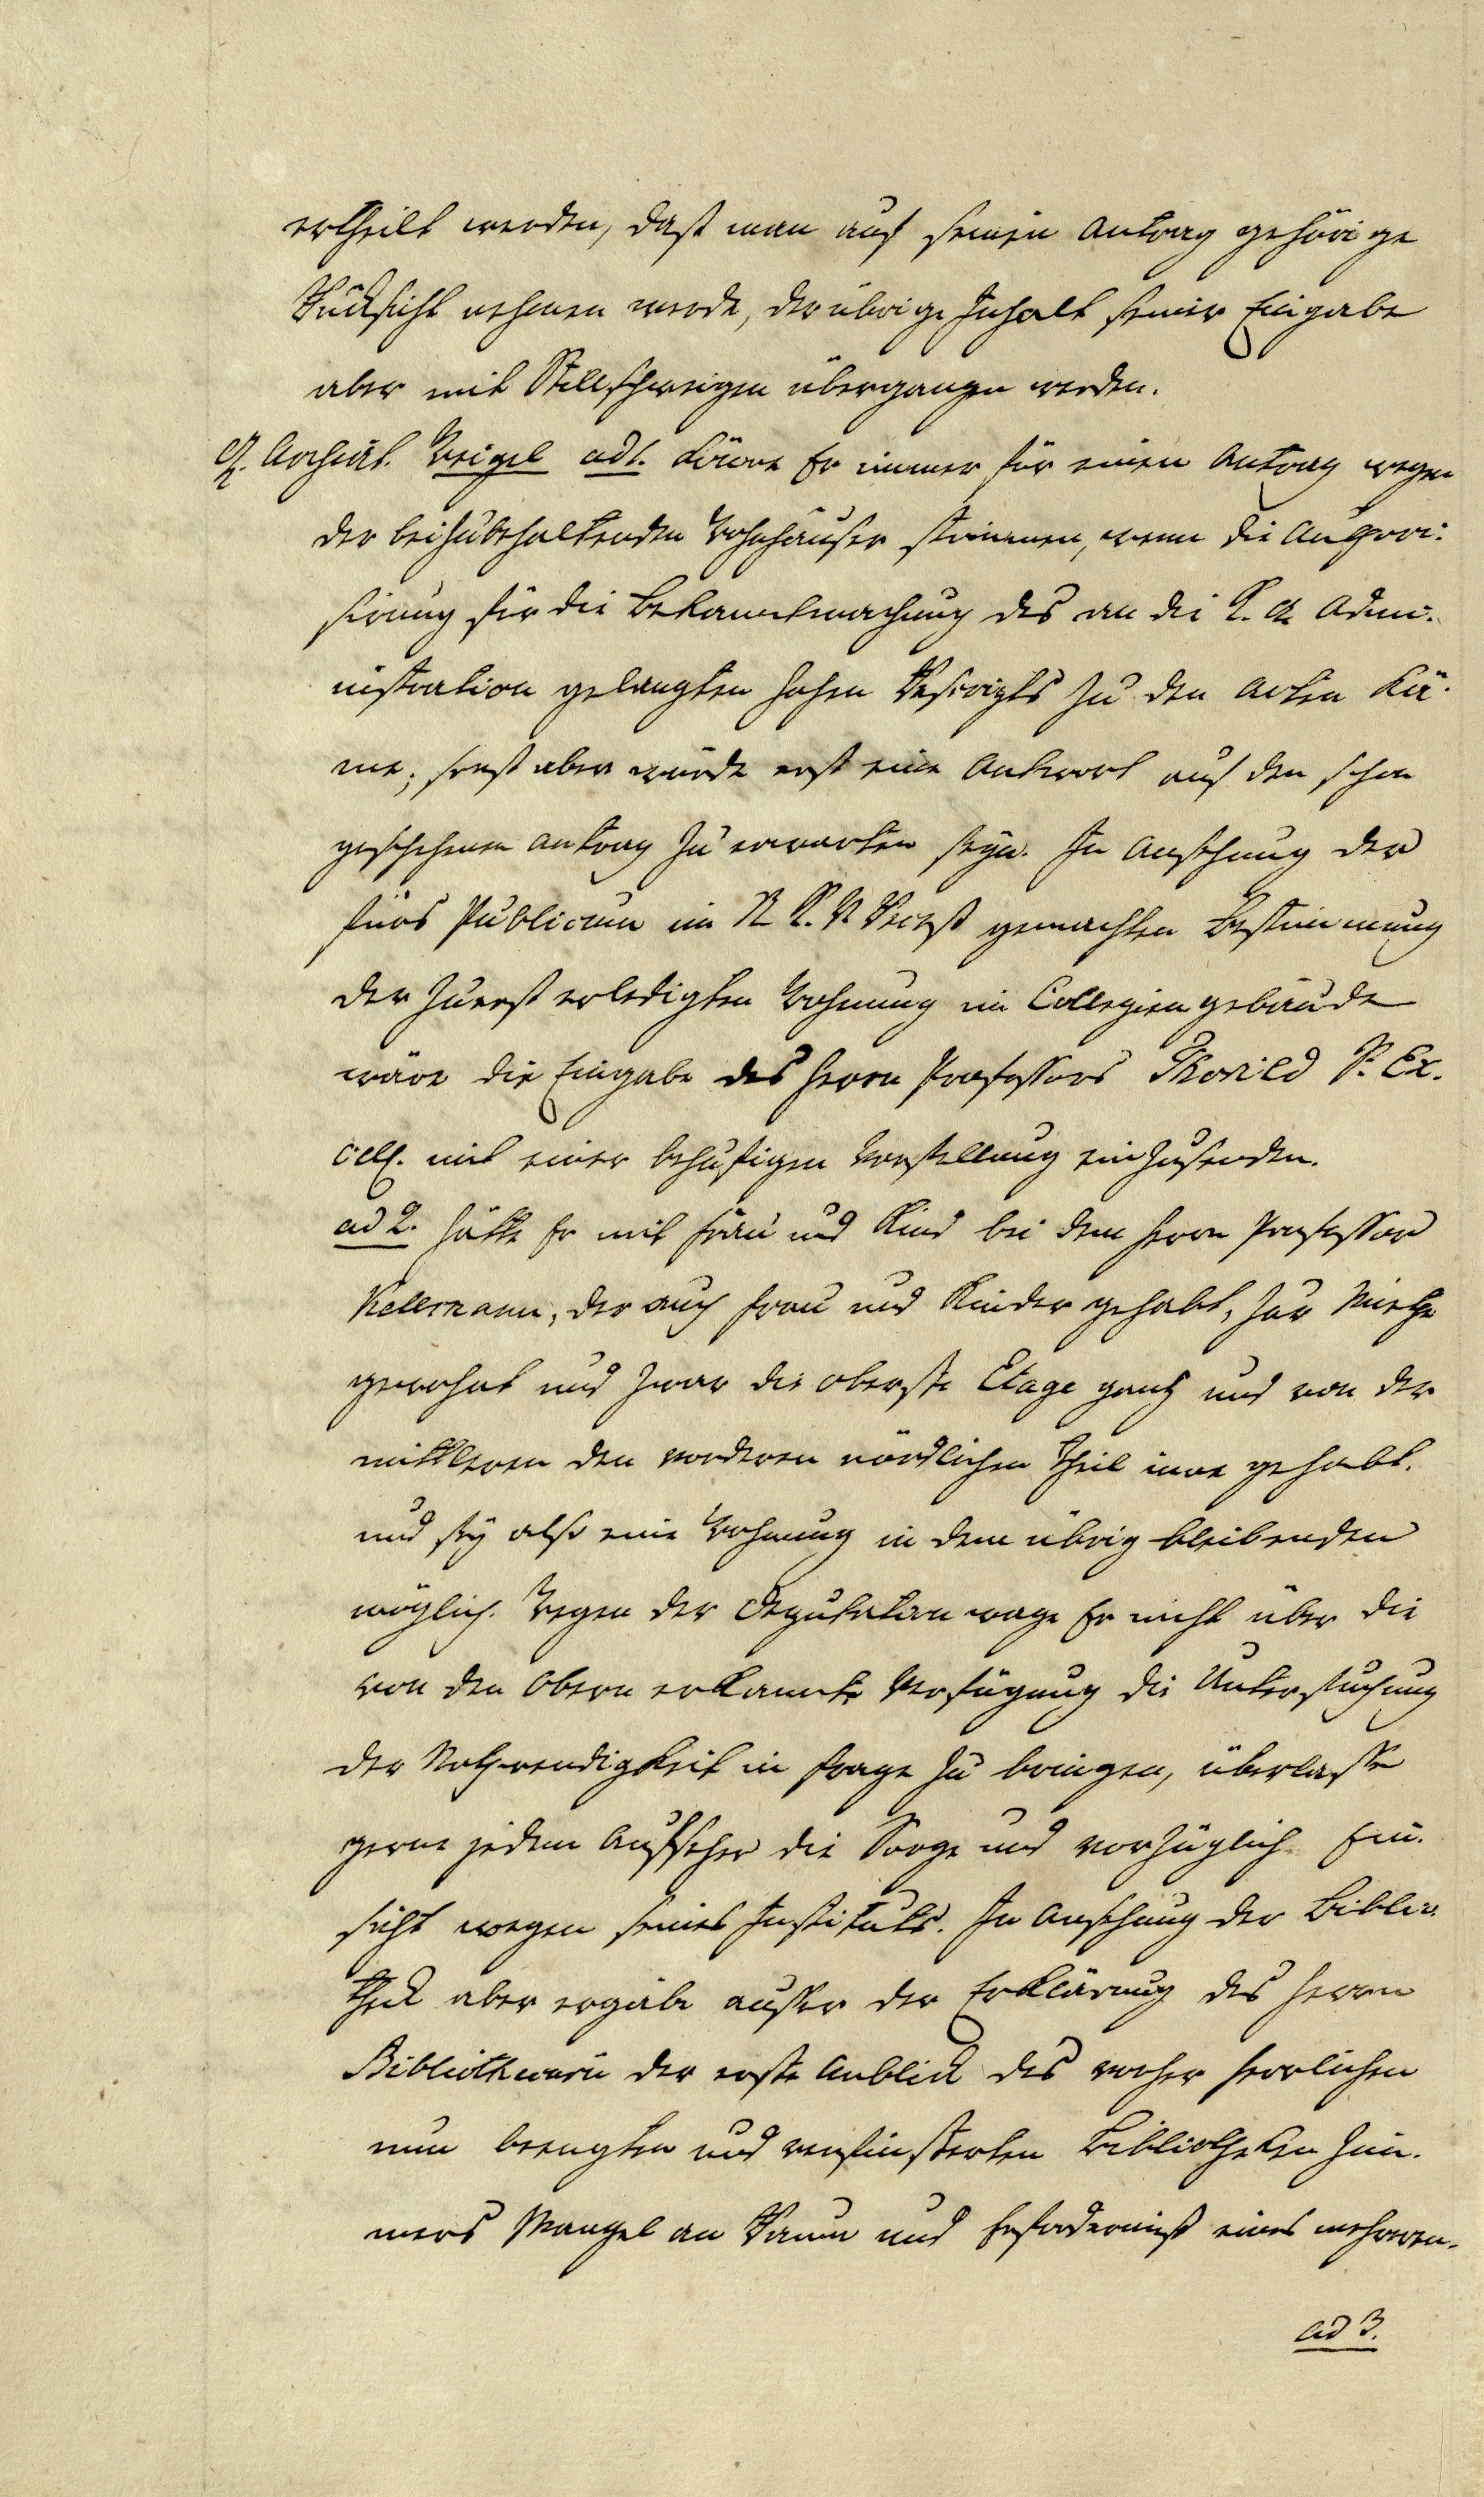ertheilt werden, daß man auf seinen Antrag gehörige
Rücksicht nehmen werde, der übrige Inhalt seiner Eingabe
aber mit Stillschweigen übergangen werden.
dh. Archiat. Weigel ad 1. könne Er immer für einen Antrag wegen
der beizubehaltenden Wohnhäuser stimmen, wenn die Authori¬
sirung für die Bekanntmachung des an die K. A. Admi¬
nistration gelangten hohen Rescripts zu den Acten kä¬
me; sonst aber würde erst eine Antwort auf den schon
geschehenen Antrag zu erwarten seÿn. In Ansehung der
fürs Publicum im N. K. R. Receß gemachten Bestimmung
der zuerst erledigten Wohnung im Collegiengebäude
wäre die Eingabe des Herrn Professors Thorild Sr Ex¬
cell. mit einer behufigen Vorstellung einzusenden.
ad 2. hätte Er mit Frau und Kind bei dem Herrn Professor
Kellmann, der auch Frau und Kinder gehabt, zur Miethe
gewohnt und zwar die oberste Etage ganz und von der
mittleren den vorderen nördlichen Theil inne gehabt,
und seÿ also eine Wohnung in dem übrig bleibenden
möglich. Wegen der Deputation wage Er nicht über die
von den Obern erkannte Verfügung die Untersuchung
der Nothwendigkeit in frage zu bringen, überlasse
gerne jedem Aufseher die Sorge und vorzüglich Ein¬
sicht wegen seines Instituts. In Ansehung der Biblio¬
thek aber ergäbe ausser der Erklärung des Herrn
Bibliothecarii der erste Anblick des vorher herrlichen
nun beengten und verfinsterten Bibliotheken Zim¬
mers Mangel an Raum und Erforderniß eines mehreren.
ad 3.